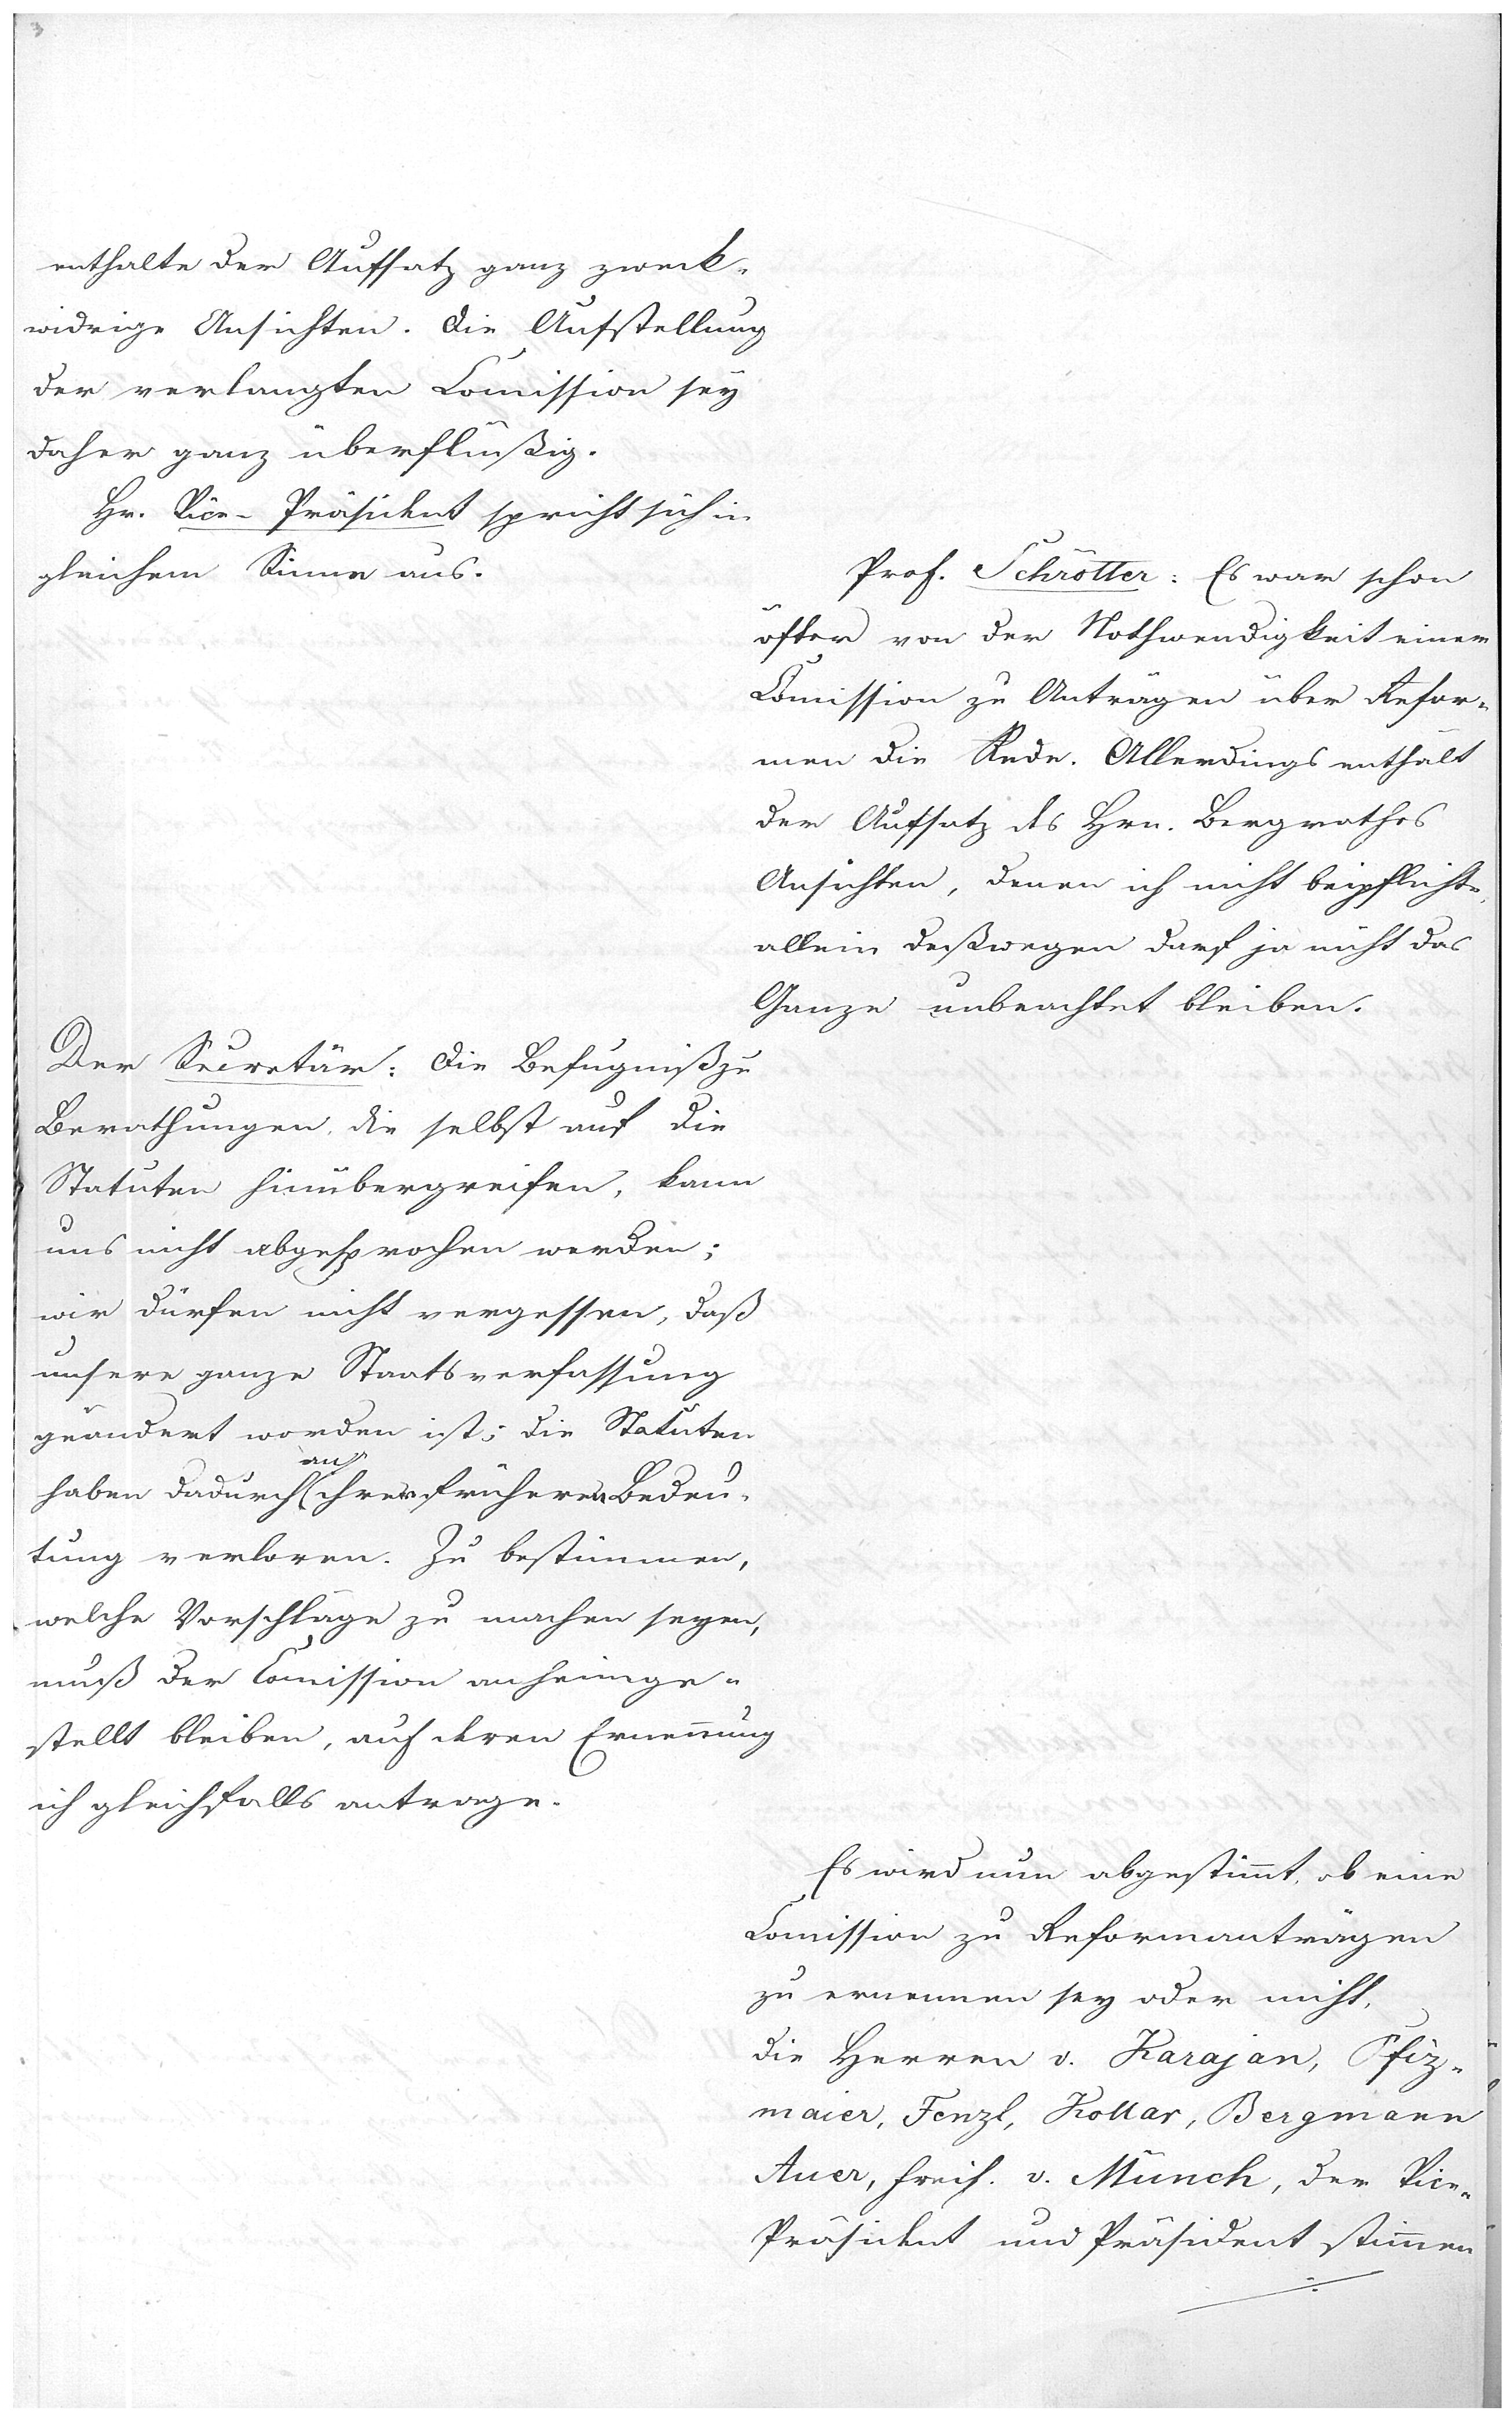enthalte der Aufsatze ganz zweck-
widrige Ansichten. Die Aufstellung
der verlangten Commission sey
daher ganz überflüßig.
Hr. Vice-Präsident spricht sich in
gleichem Sinne aus.
Prof. Schrötter: Es war schon
öfter von der Nothwendigkeit einer
Commission zu Anträgen über Refor-
men die Rede. Allerdings enthält
der Aufsstz des Hrn. Bergrathes
Ansichten, denen ich nicht beipflichte,
allein deßwegen darf ja nicht das
Ganze unbeachtet bleiben.
Der Secretär: Die Befugniß zu
Berathungen, die selbst auf die
Statuten hinübergreifen, kann
uns nicht abgesprochen werden;
wir dürfen nicht vergessen, daß
unsere ganze Staatverfassung
geändert worden ist; die Statuten
haben dadurch an ihrer früheren Bedeu-
tung verloren. Zu bestimmen,
welche Vorschläge zu machen seyen,
muß der Commission anheim ge-
stellt bleiben, auf deren Ernennung
ich gleichfalls antrage.
Es wird nun abgestimmt, ob eine
Commission zu Reformanträgen
zu ernennen sey oder nicht.
Die Herren v. Karajan, Pfiz-
maier, Fenzl, Kollar, Bergmann,
Auer, Freih. v. Münch, der Vice-
Präsident und Präsident stimmen